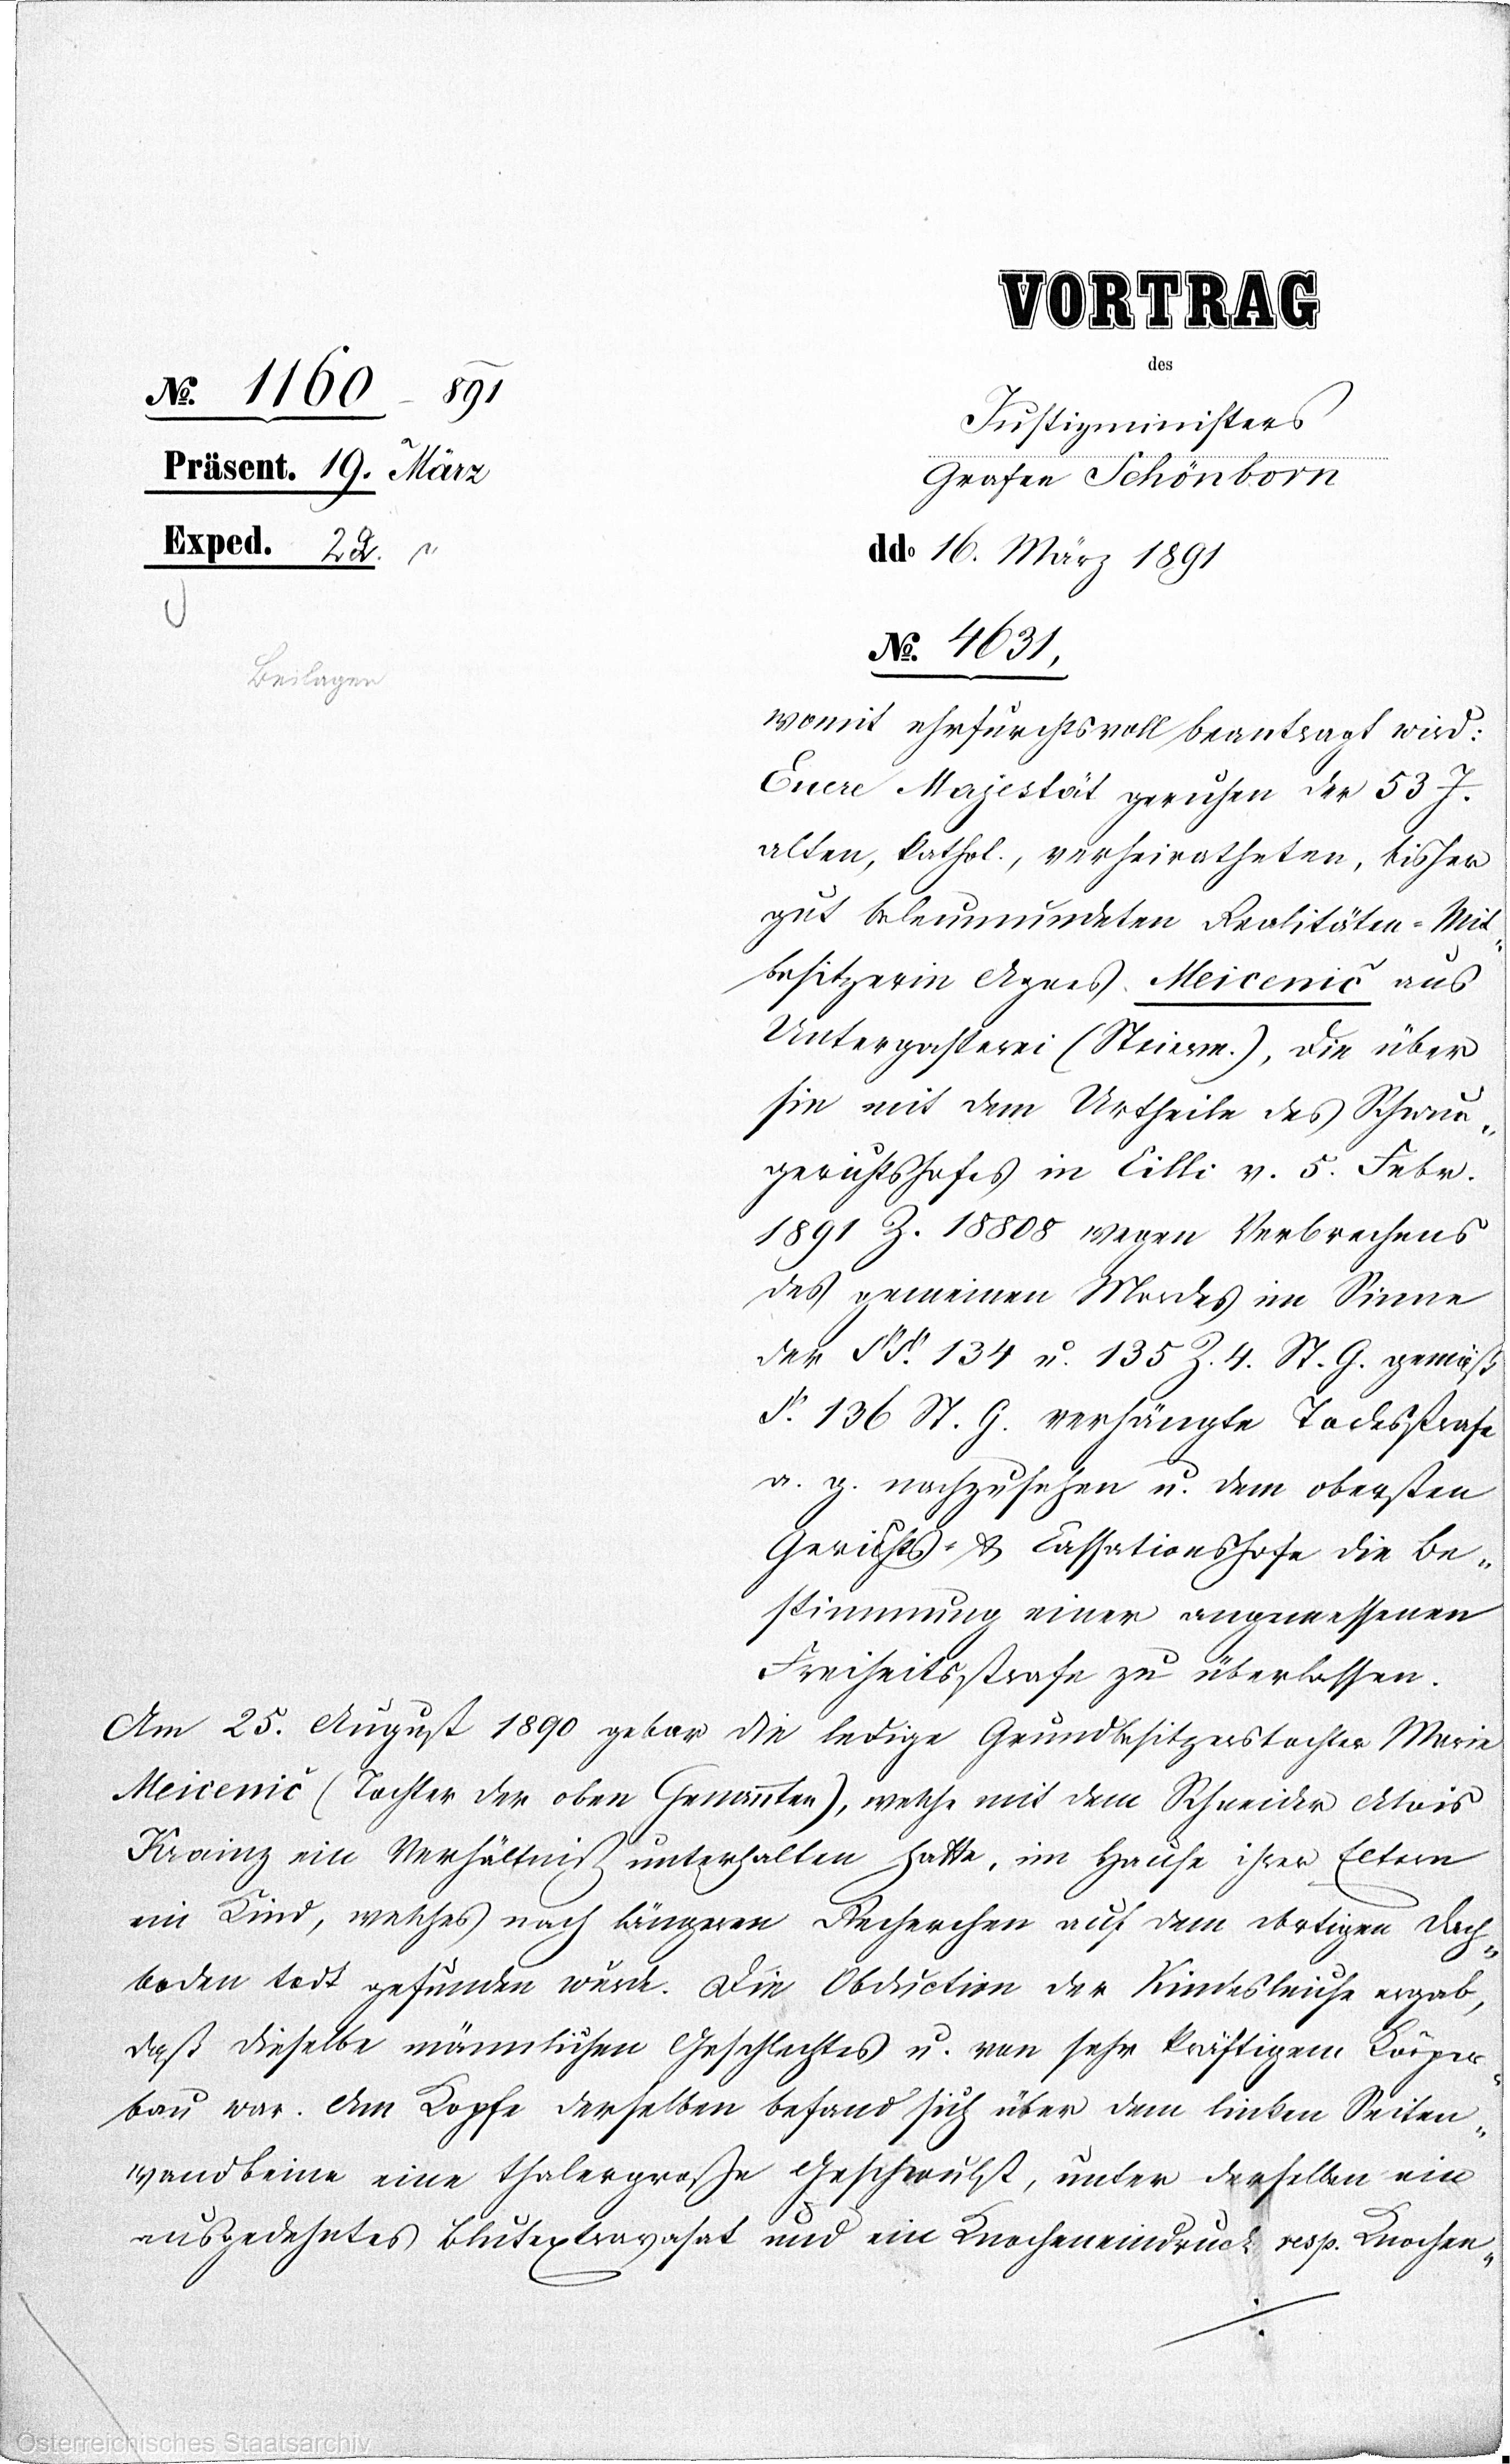No. 1160 – 1891
Präsent. 19. März
Expedit 23. „
Beilagen
VORTRAG
des
Justizministers
Grafen Schönborn
Ddo 16 März 1891
No 4631
Womit ehrfürchtsvoll beantragt wird:
Euere Majestät geruhen der 53J
alten kathol., verheiratheten, bisher
gut beleumundeten Realitäten-Mit¬
besitzerin Agnes Meicenič aus
Untergasterei (Steierm.), die über
sie mit dem Urtheile des Schwu¬
rengerichtshofes in Cilli v. 5. Febr.
1891 Z 18808 wegen Verbrechens
des gemeinen Mordes im Sinne
der §§134 u. 135 Z 4. St G. gemäß
§136 St G verhängte Todesstrafe
a.g. nachzusehen u dem obersten
Gerichts- u. Cassationshofe die Be¬
stimmung einer angemessenen
Freiheitsstrafe zu überlassen.
Am 25. August 1890 gebar die ledige Grundbesitzerstochter Marie
Meicenič (Tochter der oben Genannten), welche mit dem Schneider Alois
Krainz ein Verhältniß unterhalten hatte, im Hause ihre Eltern
ein Kind, welches nach längeren Recherchen auf dem dortigen Dach¬
boden todt gefunden wurde. Die Obduction der Kindesleiche ergab,
daß dieselbe männlichen Geschlechtes u. von sehr kräftigem Körper¬
bau war. Am Kopfe derselben befand sich über dem linken Seiten¬
wandbeine eine thalergroße Geschwulst, unter derselben ein
ausgedehntes Blutextravasat und ein Knocheneindruck resp. Knochen¬